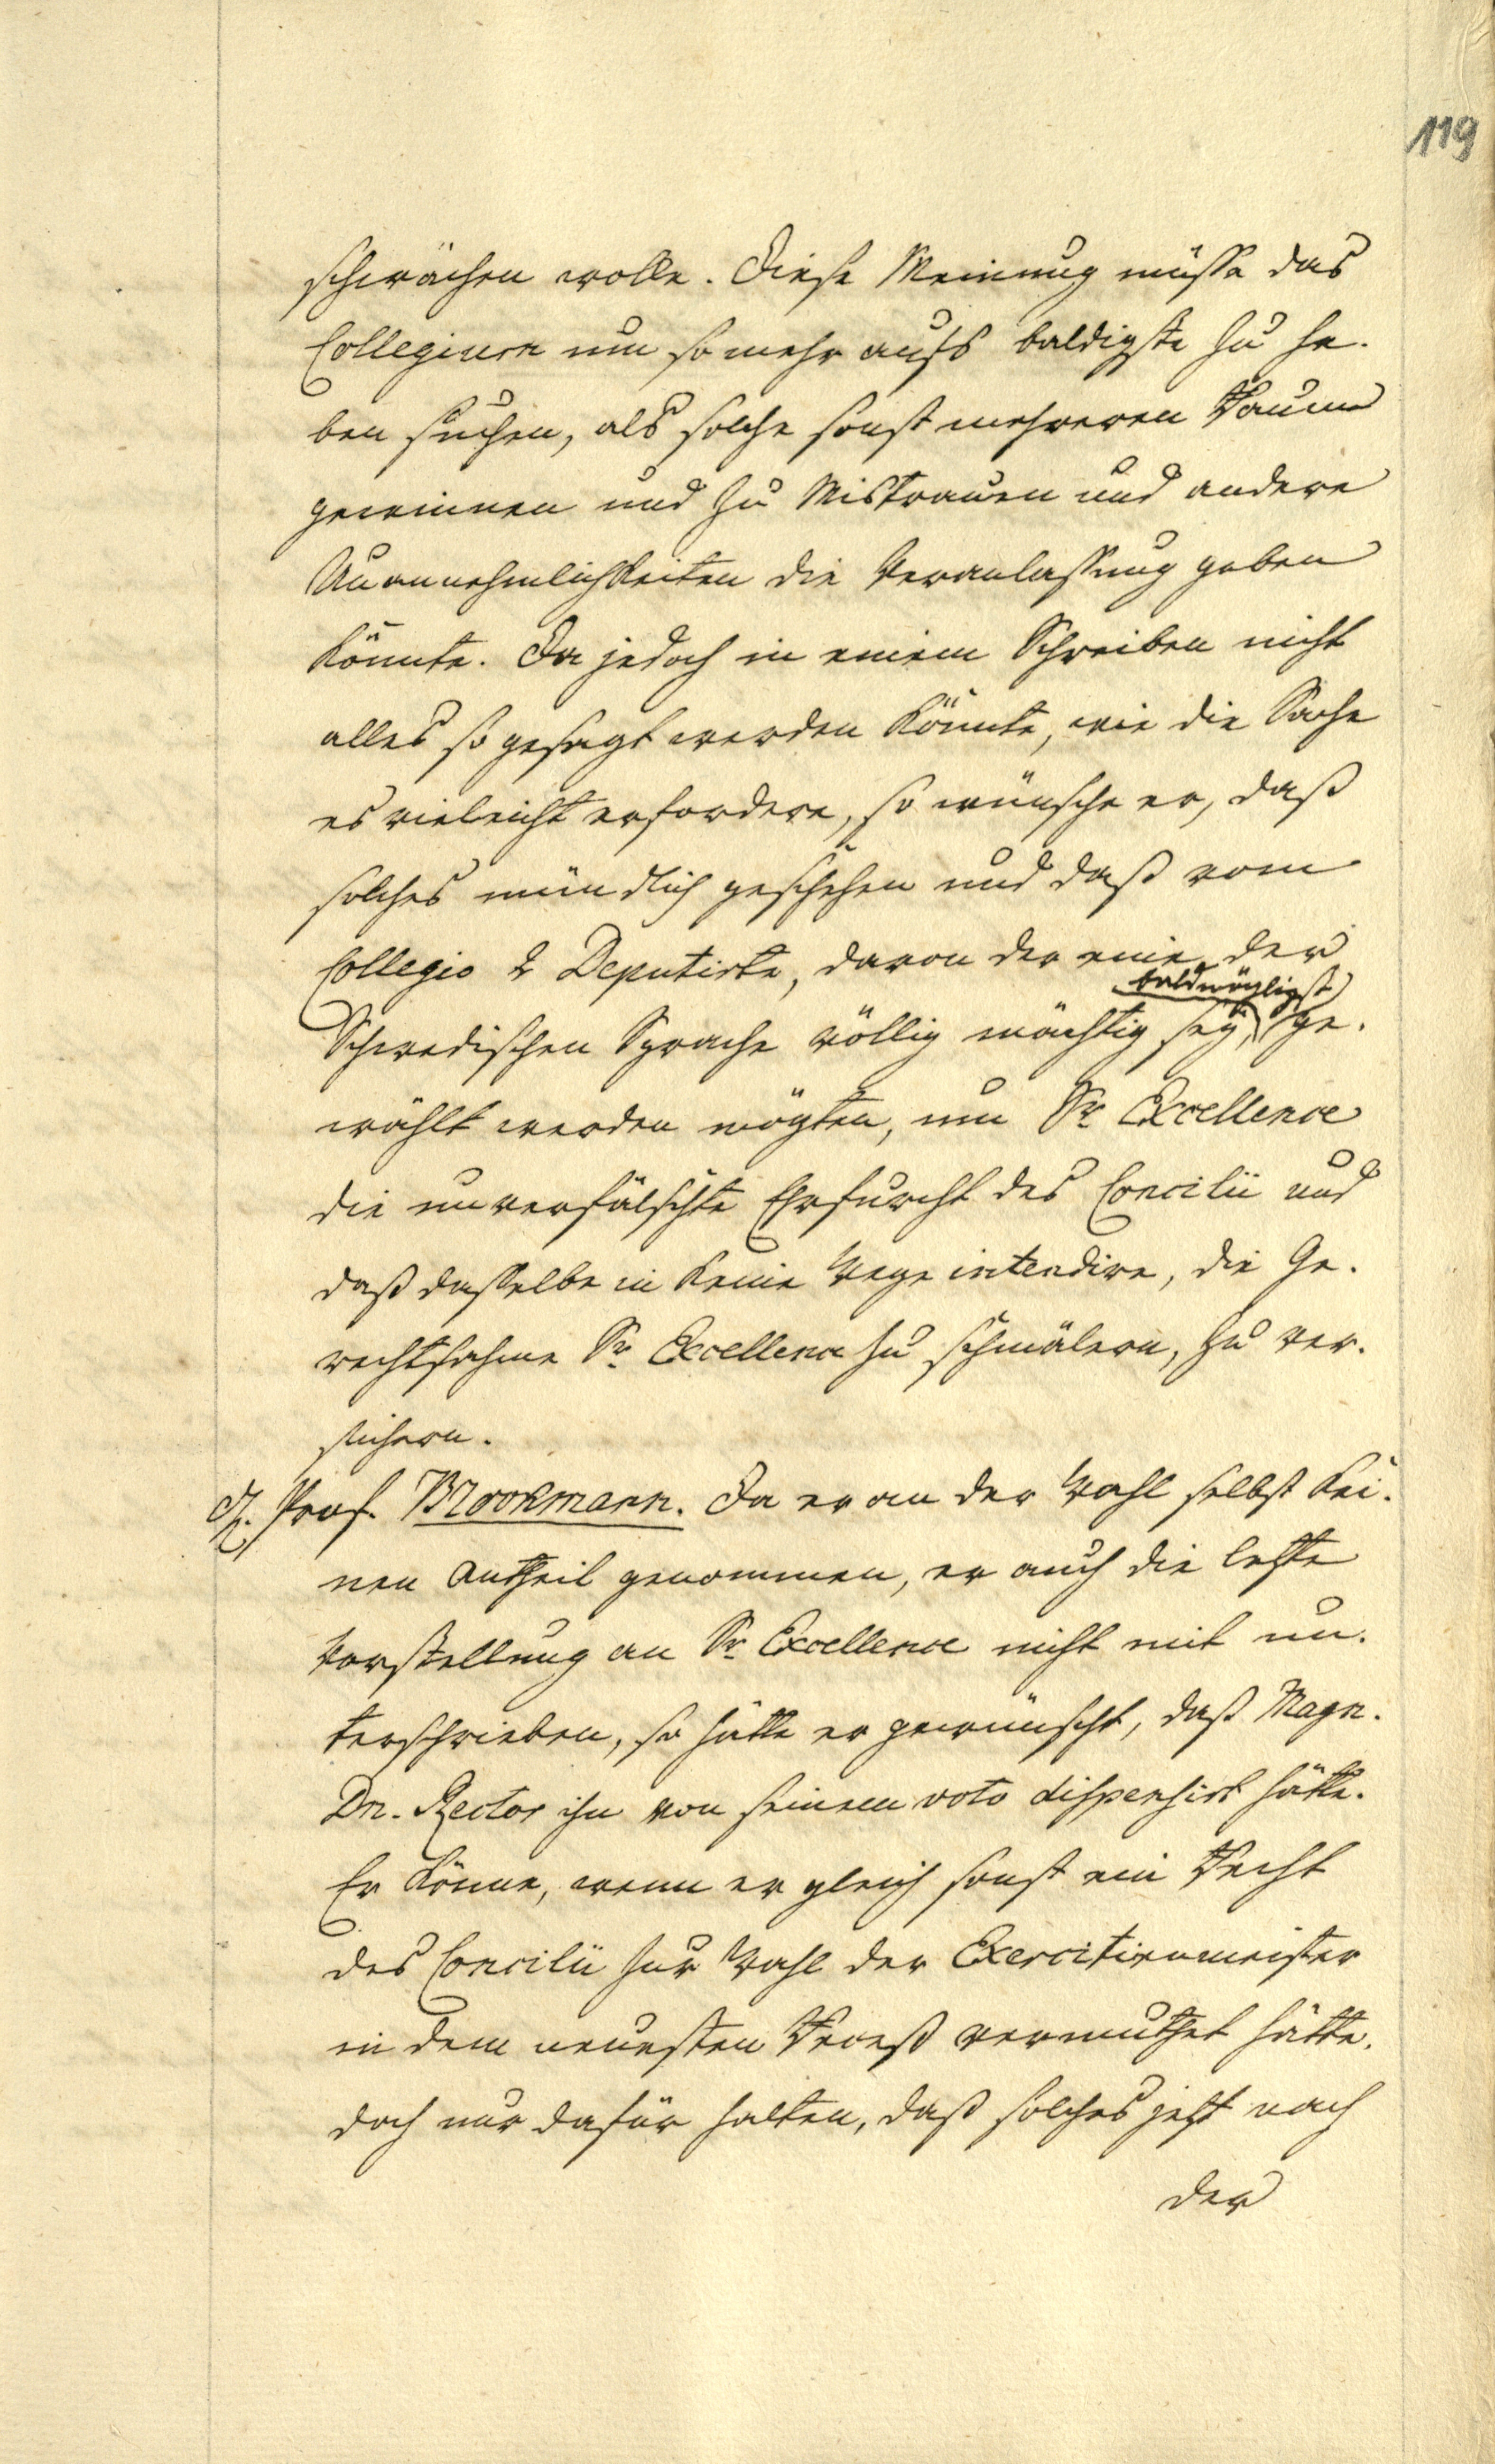schwächen wolle. Diese Meinung müsse das
Collegium um so mehr aufs baldigste zu he¬
ben suchen, als solche sonst mehreren Raum
gewinnen und zu Mistrauem und andere
Unannehmlichkeiten die Veranlassung geben
könnte. Da jedoch in einem Schreiben nicht
alles so gesagt werden könnte, wie die Sache
es vieleicht erfordere, so wünsche er, daß
solches mündlich geschehen und daß vom
Collegio 2 Deputirte, davon der eine der
Schwedischen Sprache völlig mächtigseÿ, baldmögligst ge¬
wählt werden mögten, um Sr Excellence
die unverfälschte Ehrfurcht des Concilii und
daß dasselbe in keine Wege intendire, die Ge¬
rechtsahme Sr Excellence zu schmälern, zu ver¬
sichern.
dh. Prof. Brockmann. Da er an der Wahl selbst kei¬
nen Antheil genommen, er auch die letzte
Vorstellung an Sr Excellence nicht mit un¬
terschrieben, so hätte er gewünscht, daß Magn.
Dn. Rector ihn von seinem voto dispensirt hätte.
Er könne, wenn er gleich sonst ein Recht
des Concilii zur Wahl der Exercitienmeister
in dem neuesten Receß vermuthet hätte,
doch nur dafür halten, daß solches jetzt nach
der